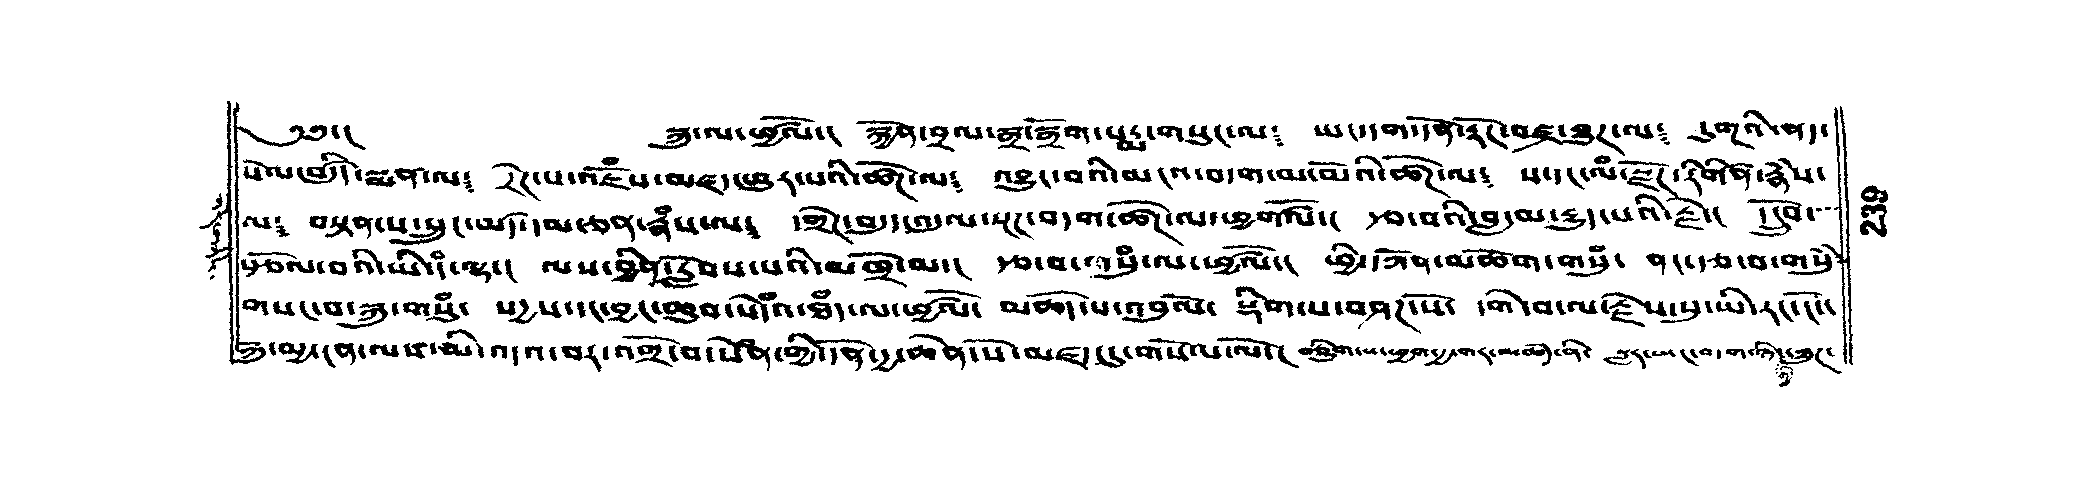སྐུ་ལ་ཕྱག་འཚལ་ལོ། །སྐྱོན་བྲལ་སྒྲ་སྒྲོག་པདྨ་གསུང་ལ་༴ ཡང་དག་དོན་རྟོགས་བཛྲ་ཐུགས་ལ་༴ དུག་ལྔའི་ནད་
སེལ་བདུད་རྩི་སྨན་ལ་༴ དྲེགས་པ་འཇོམས་མཛད་ཕུར་པའི་ཚོགས་ལ་༴ འབྱུང་བའི་མངའ་བདག་མ་མོའི་ཚོགས་ལ་༴ ས་དང་ལམ་རྫོགས་རིག་འཛིན་རྣམས་རྣམས་
ལ༴ བསྟན་པ་བསྲུང་མཛད་དམ་ཅན་རྣམས་ལ་༴ དགྲ་བགེགས་བདུད་འདུལ་མངའ་བདག་ཚོགས་ལ་་ཕྱག་འཚལ་ལོ།། རྩ་བའི་བླ་མ་རྒྱུད་པའི་རྗེ། །དངོས་གྲུབ་
སྩོལ་བའི་ཡི་དམ་ལྷ། །ལས་བྱིན་རློབས་པའི་མཁའ་འགྲོ་མ། །རྩ་བ་གསུམ་ལ་ཕྱག་འཚལ་ལོ། །ཕྱི་དཀོན་མཆོག་གསུམ། ནང་རྩ་བ་གསུམ། གསང་བ་སྐུ་གསུམ། 
སངས་རྒྱས་དང་བྱང་ཆུབ་སེམས་དཔལ་ཐམས་ཅད་ལ་ཕྱག་འཚལ་ལོ། མཆོད་པ་འབུལ་ལོ། སྡིག་པ་བཤགས་སོ། དགེ་བ་ལ་རྗེས་སུ་ཡི་རང་ངོ་། 
སྐུ་མྱ་ངན་ལས་མི་འདའ་བར་འགྲོ་བ་སེམས་ཅན་གྱི་དོན་རྒྱ་ཆེན་པོ་མཛད་དུ་གསོལ་ལོ། བཅུ་གཅིག་པ་ཕྱག་རྒྱ་གར་མཆོད་ནི། སླར་ཡང་བད་གཉིད་ཀྱི་ཐུགས་